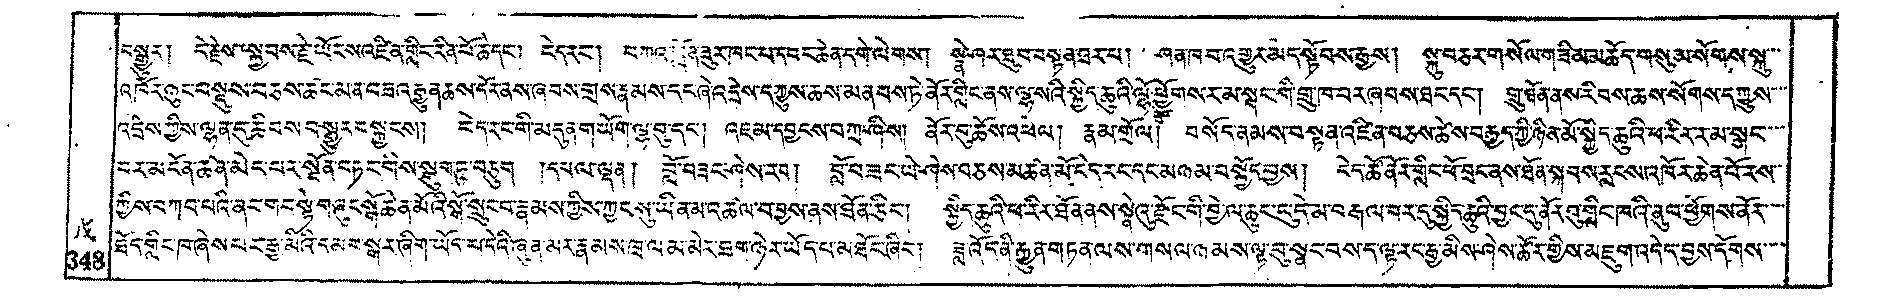བསྒྱུར། དེ་རྗེས་༧སྐྱབས་རྗེ་ཡོངས་འཛིན་གླིང་རིན་པོ་ཆེ་དང་། ངེད་རང་། བཀའ་བློན་ཟུར་ཁང་པ་དབང་ཆེན་དགེ་ལེགས། སྣེ་ཤར་ཐུབ་བསྟན་ཐར་པ། ཤན་ཁ་བ་འགྱུར་མེད་སྟོབས་རྒྱས། སྐུ་བཅར་གསོལ་གཟིམ་མཆོད་གསུམ་སོགས་སྐུ་
འཁོར་ཉུང་བསྡུས་བཅས་ཚང་མ་ན་བཟའ་རྒྱུན་ཆས་དོར་ནས་ཞབས་གྲས་རྣམས་དང་ཞེ་འདྲེས་དཀྱུས་ཆས་མནབས་ཏེ་ནོར་གླིང་ནས་ལྷ་སའི་སྐྱིད་ཆུའི་ལྷོ་ནུབ་ཕྱོགས་ར་མ་སྒང་གི་གྲུ་ཁ་བར་ཞབས་ཐང་དང་། གྲུ་ཐོན་ནས་རིབས་ཆས་སོགས་དཀྱུས་
འདྲིས་ཀྱིས་ལྷན་དུ་ཆིབས་བསྒྱུར་བསྐྱངས། ངེད་རང་གི་མདུན་གཡོག་ལྷ་བུ་དང་། འཇམ་དབྱངས་བཀྲ་ཤིས། ནོར་བུ་ཆོས་འཕེལ། རྣམ་གྲོལ། བསོད་ནམས་བསྟན་འཛིན་བཅས་ཚེས་བརྒྱད་ཀྱི་ཉིན་མོ་སྐྱིད་ཆུའི་ཕ་རིར་ར་མ་སྒང་
བར་མངོན་ཚན་མེད་པར་སྔོན་བཏང་གིས་སྒུག་ཏུ་བཅུག །དཔལ་ལྡན། བློ་བཟང་ཤེས་རབ། བློ་བཟང་ཡེ་ཤེས་བཅས་མཚན་མོ་ངེད་རང་དང་མཉམ་བསྐྱོད་བྱས། ངེད་ཚོ་ནོར་གླིང་ཕོ་བྲང་ནས་ཐོན་སྐབས་རླངས་འཁོར་ཆེན་པོ་རས་
ཀྱིས་བཀབ་པའི་ནང་གབ་སྟེ་གཞུང་སྒོ་ཆེན་མོའི་སྒོ་སྲུང་བ་རྣམས་ཀྱིས་ཀྱང་སུ་ཡིན་མ་འཚལ་བ་བྱས་ནས་ཐོན་ཅིང་། སྐྱིད་ཆུའི་ཕ་རིར་ཐོན་ནས་སྣེའུ་རྫོང་གི་བྱེ་ལ་ཆུང་ངུ་དེ་མ་བརྒལ་བར་དུ་སྐྱིད་ཆུའི་བྱང་དུ་ནོར་བུ་གླིང་ཁའི་ནུབ་ཕྱོགས་ནོར་
ཐོད་གླིང་ཁ་ཞེས་པར་རྒྱ་མིའི་དམག་སྒར་ཞིག་ཡོད་པ་དེའི་ཞུན་མར་རྣམས་ཁྲ་ལམ་མེར་ཐག་ཉེར་ཡོད་པ་མཐོང་ཞིང་། ཟླ་འོད་ནི་རྒྱུན་གཏན་ལས་གསལ་ཉམས་ལྟ་བུ་སྣང་བས་ད་ལྟ་རང་རྒྱ་མིས་ཤེས་ཚོར་གྱིས་མཇུག་འདེད་བྱས་དོགས་